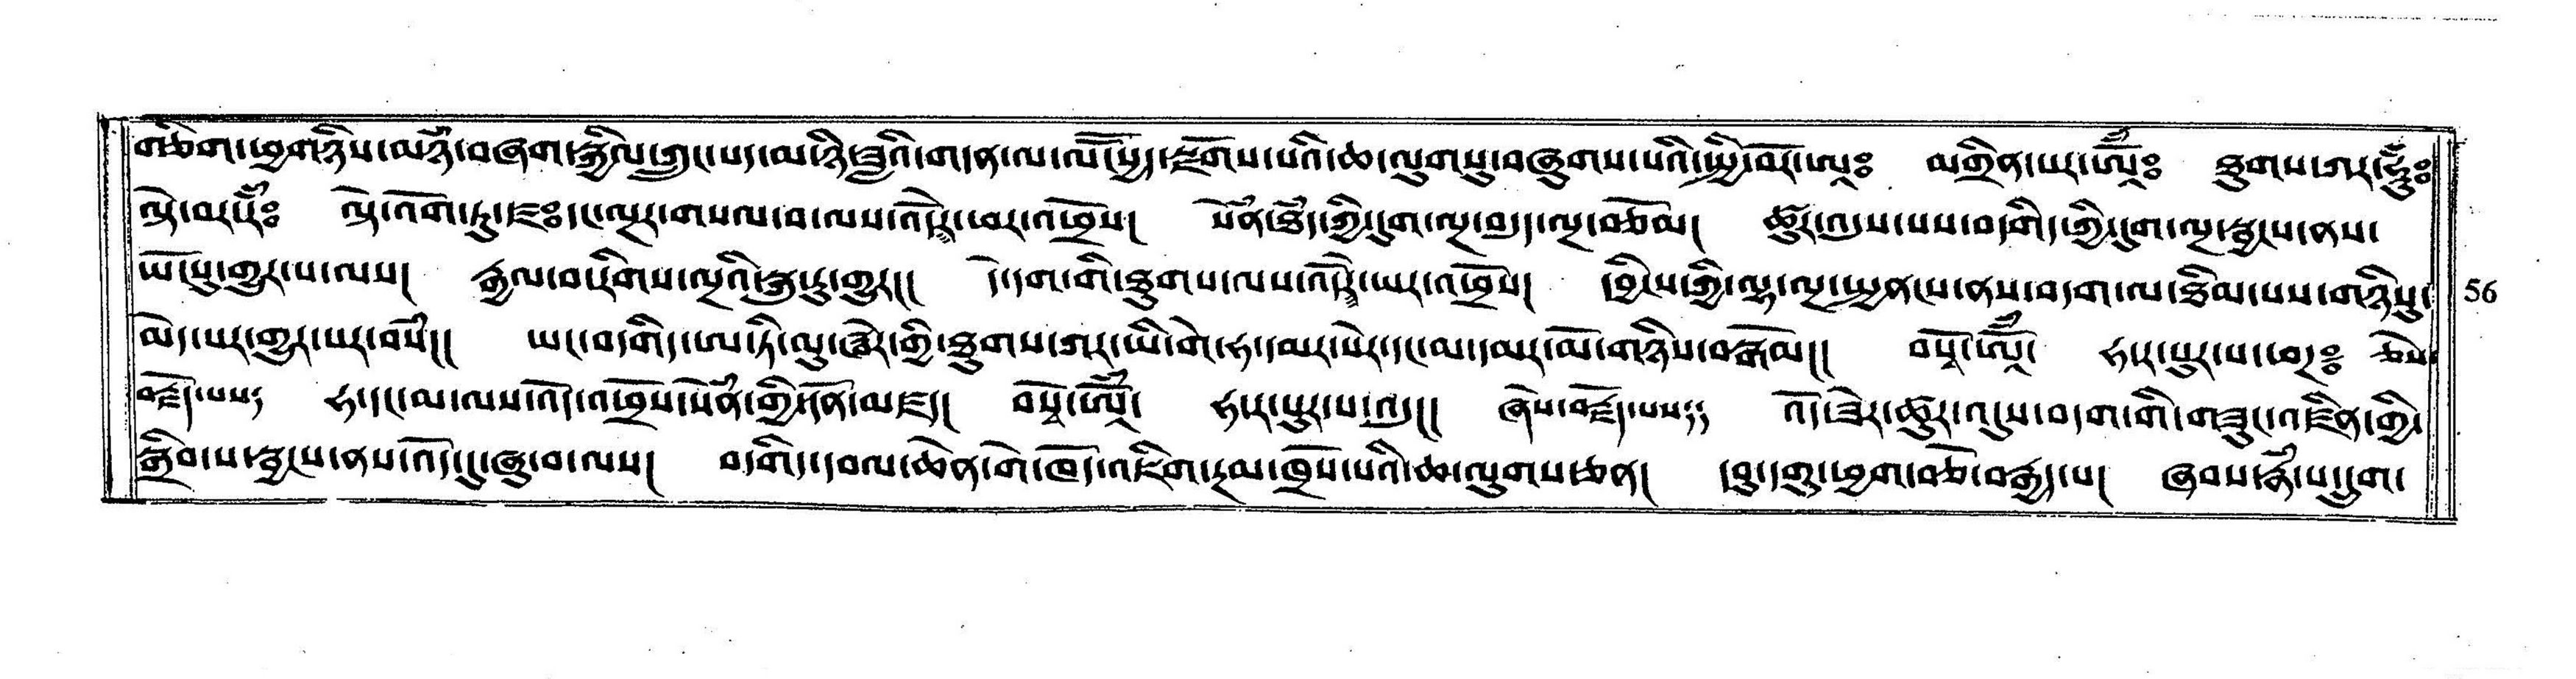གཅིག་ཕྱག་གཉིས་མཉམ་བཞག་སྐྱིལ་ཀྲུང་པད་མ་ཉི་ཟླའི་གདན་ལ་ལོངས་སྤྱོད་རྫོགས་པའི་ཆ་ལུགས་སུ་བཞུགས་པའི་སྤྱི་བོར་ཨཱཿ མགྲིན་པར་ཨཱོཾཿ ཐུགས་ཀར་ཧཱུྃཿ
ལྟེ་བར་རྃཿ ལྟེ་འོག་ཏུ་ཛཿདང་ལྔར་གསལ་བ་ལས་འོད་ཟེར་ཕར་འཕྲོས། སེམས་ཅན་ཐམས་ཅད་ཀྱི་དུག་ལྔ་བདུད་ལྔ་བཅོམ། ཚུར་འདུས་པས་བདག་ཉིད་ཀྱི་དུག་ལྔ་སྦྱངས་ནས་
ཡོངས་སུ་གྱུར་པ་ལས། རྒྱལ་བ་རིགས་ལྔའི་སྐུ་རུ་གྱུར།། དེ་དག་གི་ཐུགས་ལས་འོད་ཟེར་ཡར་འཕྲོས། དབྱིངས་ཀྱི་ལྷ་ལྔ་སྤྱན་དྲངས་ནས་བདག་ལ་ཐིམ་པས་གཉིས་སུ་
མེད་པར་གྱུར་པར་བསམ།། ཡང་བདག་ཉིད་ཨ་ཏི་མུ་ཝེར་གྱི་ཐུགས་ཀར་ཡི་གེ་ཧ་དམར་སེར་དང་མ་དམར་མོ་གཉིས་བསྒོམ།། བསྭོ་ཨཱོཾ་ཧ་ར་པུར་པ་ཕཊ༔ ཅེས་
བརྗོད་པས ཧ་དང་མ་ལས་འོད་འཕྲོས་སེམས་ཅན་གྱི་དོན་མཛད། བསྭོ་ཨཱོཾ་ཧ་ར་པུར་པ་འདུ།། ཞེས་བརྗོད་པས འོད་ཟེར་ཚུར་འདུས་བདག་གི་གཟུང་འཛིན་གྱི་
སྒྲིབ་པ་སྦྱངས་ནས་འོད་དུ་ཞུ་བ་ལས། བདག་ཉིད་དབལ་ཆེན་གེ་ཁོད་འཇིགས་རྔམ་ཁྲོས་པའི་ཆ་ལུགས་ཅན། དབུ་དགུ་ཕྱག་བཅོ་བརྒྱད་པ། ཞབས་རྣམ་པ་དྲུག་